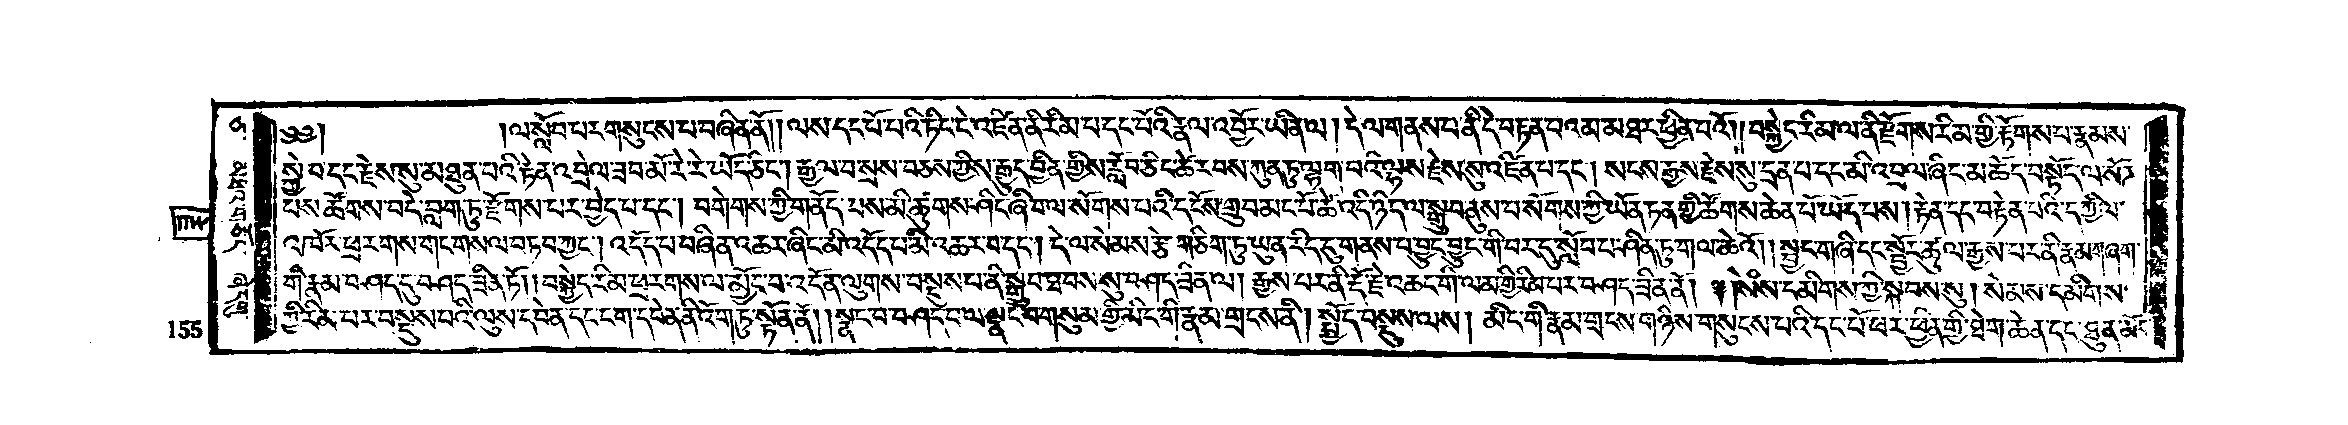༄༅། །ལ་སློབ་པར་གསུངས་པ་བཞིན་ནོ། །ལས་དང་པོ་པའི་ཏིང་ངེ་འཛིན་ནི་རིམ་པ་དང་པོའི་རྣལ་འབྱོར་ཡིན་ལ། དེ་ལ་གནས་པ་ནི་དེ་བརྟན་པའམ་མཐར་ཕྱིན་པའོ། །བསྐྱེད་རིམ་ལ་ནི་རྫོགས་རིམ་གྱི་རྟོགས་པ་རྣམས་
སྐྱེ་བ་དང་རྗེས་སུ་མཐུན་པའི་རྟེན་འབྲེལ་ཟབ་མོ་རེ་རེ་ཡོད་ཅིང་། རྒྱལ་བ་སྲས་བཅས་ཀྱིས་རྒྱུད་བྱིན་གྱིས་རློབ་ཅིང་ཚེ་རབས་ཀུན་ཏུ་ལྷག་པའི་ལྷས་རྗེས་སུ་འཛིན་པ་དང་། སངས་རྒྱས་རྗེས་སུ་དྲན་པ་དང་མི་འབྲལ་ཞིང་མཆོད་བསྟོད་ལ་སོགས་
པས་ཚོགས་བདེ་བླག་ཏུ་རྫོགས་པར་བྱེད་པ་དང་། བགེགས་ཀྱི་གནོད་པས་མི་ཚུགས་ཤིང་ཞི་བ་ལ་སོགས་པའི་དངོས་གྲུབ་མང་པོ་ཚེ་འདི་ཉིད་ལ་སྒྲུབ་ནུས་པ་སོགས་ཀྱི་ཡོན་ཏན་གྱི་ཚོགས་ཆེན་པོ་ཡོད་པས། རྟེན་དང་བརྟེན་པའི་དཀྱིལ་
འཁོར་ཕྲ་རགས་གང་གསལ་བཏབ་ཀྱང་། འདོད་པ་བཞིན་འཆར་ཞིང་མི་འདོད་པ་མི་འཆར་བ་དང་། དེ་ལ་སེམས་རྩེ་གཅིག་ཏུ་ཡུན་རིད་དུ་གནས་པ་བྱུང་བྱུང་གི་བར་དུ་སློབ་པ་ཤིན་ཏུ་གལ་ཆེའོ། །སྦྱང་གཞི་དང་སྦྱོར་ཚུལ་རྒྱས་པར་ནི་རྣམ་གཞག་
གི་རྣམ་བཤད་དུ་བཤད་ཟིན་ཏོ། །བསྐྱེད་རིམ་ཕྲ་རགས་ལ་མྱོང་བ་འདོན་ལུགས་བསྡུས་པ་ནི་སྒྲུབ་ཐབས་སུ་བཤད་ཟིན་ལ། རྒྱས་པར་ནི་རྡོ་རྗེ་འཆང་གི་ལམ་གྱི་རིམ་པར་བཤད་ཟིན་ནོ། ༈ །སེམས་དམིགས་ཀྱི་སྐབས་སུ། སེམས་དམིགས་
ཀྱི་རིམ་པར་བསྡུས་པའི་ལུས་དབེན་དང་ངག་དབེན་ནི་འོག་ཏུ་སྟོན་ནོ། །སྣང་བ་བཤད་པ་ལ་སྣང་བ་གསུམ་གྱི་མིང་གི་རྣམ་གྲངས་ནི། སྤྱོད་བསྡུས་ལས། མིང་གི་རྣམ་གྲངས་གཉིས་གསུངས་པའི་དང་པོ་ཕར་ཕྱིན་གྱི་ཐེག་ཆེན་དང་ཐུན་མོང་